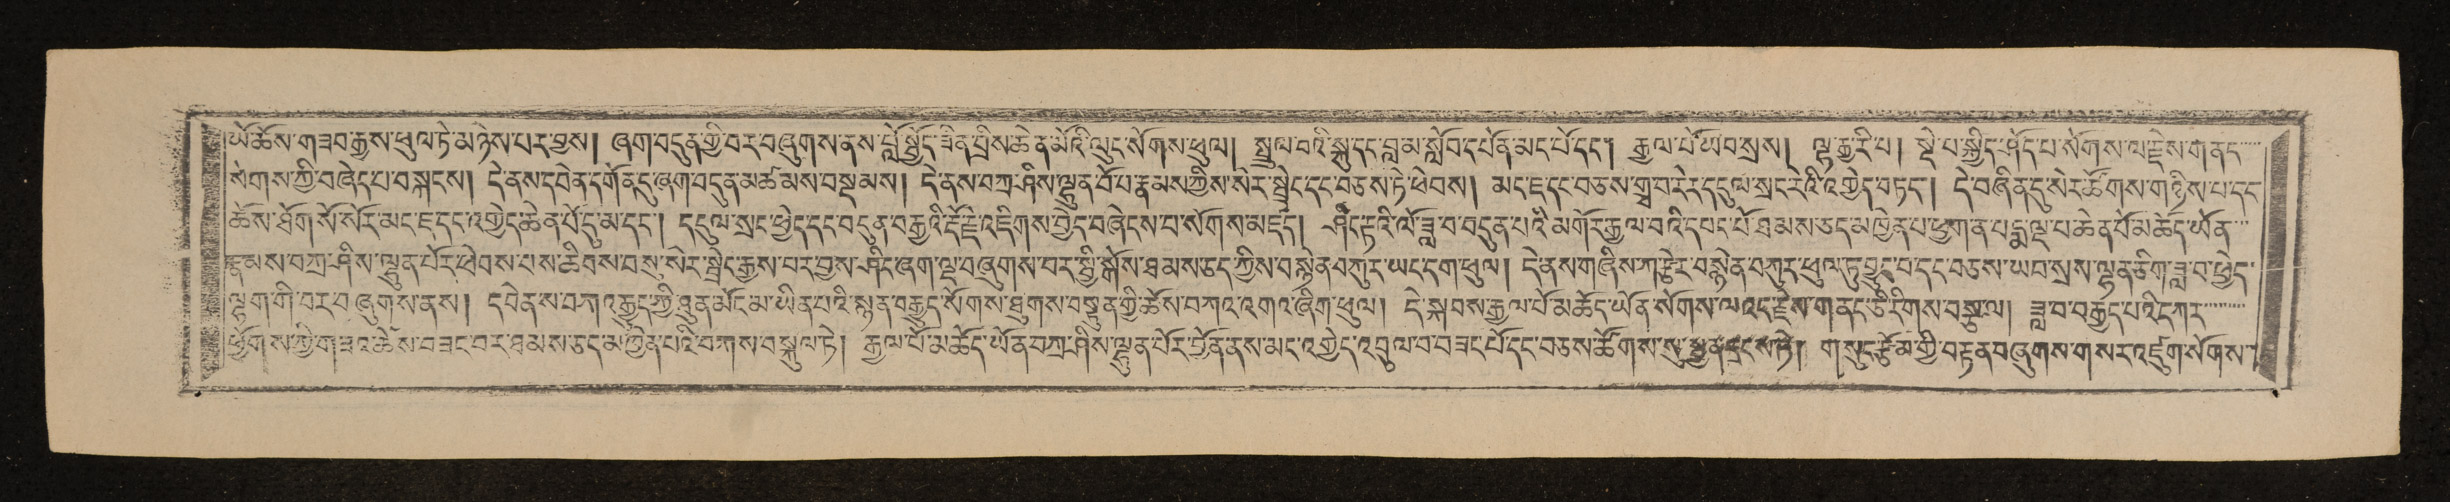ཡོ་ཆས་གཟབ་རྒྱས་ཕུལ་ཏེ་མཉེས་པར་བྱས། ཞག་བདུན་གྱི་བར་བཞུགས་ནས་བློ་སྦྱོང་ཟིན་བྲིས་ཆེན་མོའི་ལུང་སོགས་ཕུལ། སྤྲུལ་པའི་སྐུ་དང་བླ་མ་སློབ་དཔོན་མང་པོ་དང་། རྒྱལ་པོ་ཡབ་སྲས། ལྷ་རྒྱ་རི་པ། སྡེ་པ་སྐྱིད་ཤོད་པ་སོགས་ལ་རྗེས་གནང་
སོགས་ཀྱི་བཞེད་པ་བསྐངས། དེ་ནས་དབེན་དགོན་དུ་ཞག་བདུན་མཚམས་བསྡམས། དེ་ནས་བཀྲ་ཤིས་ལྷུན་པོ་པ་རྣམས་ཀྱིས་སེར་སྦྲེང་དང་བཅས་ཏེ་ཕེབས། མང་ཇ་དང་བཅས་གྲྭ་བ་རེར་དངུལ་སྲང་རེའི་འགྱེད་བཏང་། དེ་བཞིན་དུ་སེར་ཚོགས་གཉིས་པ་དང་
ཆོས་ཐོག་སོ་སོར་མང་ཇ་དང་འགྱེད་ཆེན་པོ་དུ་མ་དང་། དངུལ་སྲང་ཕྱེད་དང་བདུན་བརྒྱའི་རྡོ་རྗེ་འཇིགས་བྱེད་བཞེངས་པ་སོགས་མཛད། ཤིང་རྟའི་ལོ་ཟླ་བ་བདུན་པའི་མགོར་རྒྱལ་བའི་དབང་པོ་ཐམས་ཅད་མཁྱེན་པ་ཕྱག་ན་པདམ་ལྔ་པ་ཆེན་པོ་མཆོད་ཡོན་
རྣམས་བཀྲ་ཤིས་ལྷུན་པོར་ཕེབས་པས་ཆིབས་བསུ་སེར་སྦྲེང་རྒྱས་པར་བྱས་ཤིང་ཞག་ལྔ་བཞུགས་པར་སྤྱི་སྒོས་ཐམས་ཅད་ཀྱིས་བསྙེན་བཀུར་ཡང་དག་ཕུལ། དེ་ནས་གཞིས་ཀ་རྩེར་བསྙེན་བཀུར་ཕུལ་ཏུ་བྱུང་བ་དང་བཅས་ཡབ་སྲས་ལྷན་ཅིག་ཟླ་བ་ཕྱེད་
ལྷག་གི་བར་བཞུགས་ནས། དབེན་ས་བཀའ་རྒྱུད་ཀྱི་ཐུན་མོང་མ་ཡིན་པའི་སྙན་བརྒྱུད་སོགས་ཐུགས་བསྟུན་གྱི་ཆོས་བཀའ་འགའ་ཞིག་ཕུལ། དེ་སྐབས་རྒྱལ་པོ་མཆོད་ཡོན་སོགས་ལའང་རྗེས་གནང་ཅི་རིགས་བསྩལ། ཟླ་བ་བརྒྱད་པའི་དཀར་
ཕྱོགས་ཀྱི་གཟའ་ཚེས་བཟང་བར་ཐམས་ཅད་མཁྱེན་པའི་བཀས་བསྐུལ་ཏེ། རྒྱལ་པོ་མཆོད་ཡོན་བཀྲ་ཤིས་ལྷུན་པོར་བྱོན་ནས་མང་འགྱེད་འབུལ་བ་བཟང་པོ་དང་བཅས་ཚོགས་སུ་སྤྱན་དྲངས་ཏེ། གསུང་རྩོམ་གྱི་བརྟན་བཞུགས་གསར་འཛུག་སོགས་